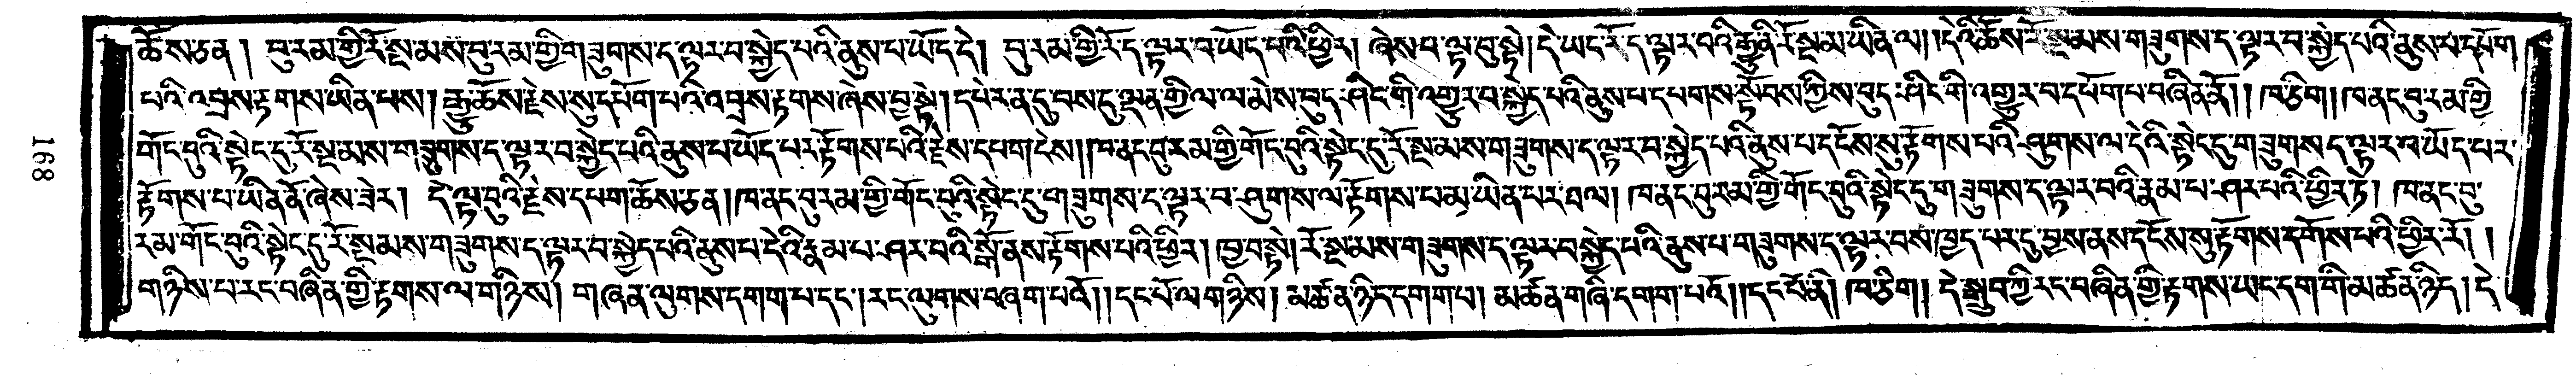ཆོས་ཅན། བུ་རམ་གྱི་རོ་སྔ་མས་བུ་རམ་གྱི་གཟུགས་ད་ལྟར་བ་སྐྱེད་པའི་ནུས་པ་ཡོད་དེ། བུ་རམ་གྱི་རོ་ད་ལྟར་བ་ཡོད་པའི་ཕྱིར། ཞེས་པ་ལྟ་བུ་སྟེ། དེ་ཡང་རོ་ད་ལྟར་བའི་རྒྱུ་ནི་རོ་སྔ་མ་ཡིན་ལ། དེའི་ཆོས་རོ་སྔ་མས་གཟུགས་ད་ལྟར་བ་སྐྱེད་པའི་ནུས་པ་དཔོག་
པའི་འབྲས་རྟགས་ཡིན་པས། རྒྱུ་ཆོས་རྗེས་སུ་དཔོག་པའི་འབྲས་རྟགས་ཞེས་བྱ་སྟེ། དཔེར་ན་དུ་བས་དུ་ལྡན་གྱི་ལ་ལ་མེས་བུད་ཤིང་གི་འགྱུར་བ་སྐྱེད་པའི་ནུས་པ་དཔགས་སྟོབས་ཀྱིས་བུད་ཤིང་གི་འགྱུར་བ་དཔོག་པ་བཞིན་ནོ། །ཁ་ཅིག །ཁ་ནང་བུ་རམ་གྱི་
གོང་བུའི་སྟེང་དུ་རོ་སྔ་མས་གཟུགས་ད་ལྟར་བ་སྐྱེད་པའི་ནུས་པ་ཡོད་པར་རྟོགས་པའི་རྗེས་དཔག་དེས། ཁ་ནང་བུ་རམ་གྱི་གོང་བུའི་སྟེང་དུ་རོ་སྔ་མས་གཟུགས་ད་ལྟར་བ་སྐྱེད་པའི་ནུས་པ་དངོས་སུ་རྟོགས་པའི་ཤུགས་ལ་དེའི་སྟེང་དུ་གཟུགས་ད་ལྟར་བ་ཡོད་པར་
རྟགས་པ་ཡིན་ནོ་ཞེས་ཟེར། དེ་ལྟ་བུའི་རྗེས་དཔག་ཆོས་ཅན། ཁ་ནང་བུ་རམ་གྱི་གོང་བུའི་སྟེང་དུ་གཟུགས་ད་ལྟར་བ་ཤུགས་ལ་རྟོགས་པ་མ་ཡིན་པར་ཐལ། ཁ་ནང་བུ་རམ་གྱི་གོང་བུའི་སྟེང་དུ་གཟུགས་ད་ལྟར་བའི་རྣམ་པ་ཤར་བའི་ཕྱིར་ཏེ། ཁ་ནང་བུ་
རམ་གོང་བུའི་སྟེང་དུ་རོ་སྔ་མས་གཟུགས་ད་ལྟར་བ་སྐྱེད་པའི་ནུས་པ་དེའི་རྣམ་པ་ཤར་བའི་སྒོ་ནས་རྟོགས་པའི་ཕྱིར། ཁྱབ་སྟེ། རོ་སྔ་མས་གཟུགས་ད་ལྟར་བ་སྐྱེད་པའི་ནུས་པ་གཟུགས་ད་ལྟར་བས་ཁྱད་པར་དུ་བྱས་ནས་དངོས་སུ་རྟོགས་དགོས་པའི་ཕྱིར་རོ། །
གཉིས་པ་རང་བཞིན་གྱི་རྟགས་ལ་གཉིས། གཞན་ལུགས་དགག་པ་དང་། རང་ལུགས་བཞག་པའོ། དང་པོ་ལ་གཉིས། མཚན་ཉིད་དགག་པ། མཚན་གཞི་དགག་པའོ། །དང་པོ་ནི། ཁ་ཅིག །དེ་སྒྲུབ་ཀྱི་རང་བཞིན་གྱི་རྟགས་ཡང་དག་གི་མཚན་ཉིད། དེ་